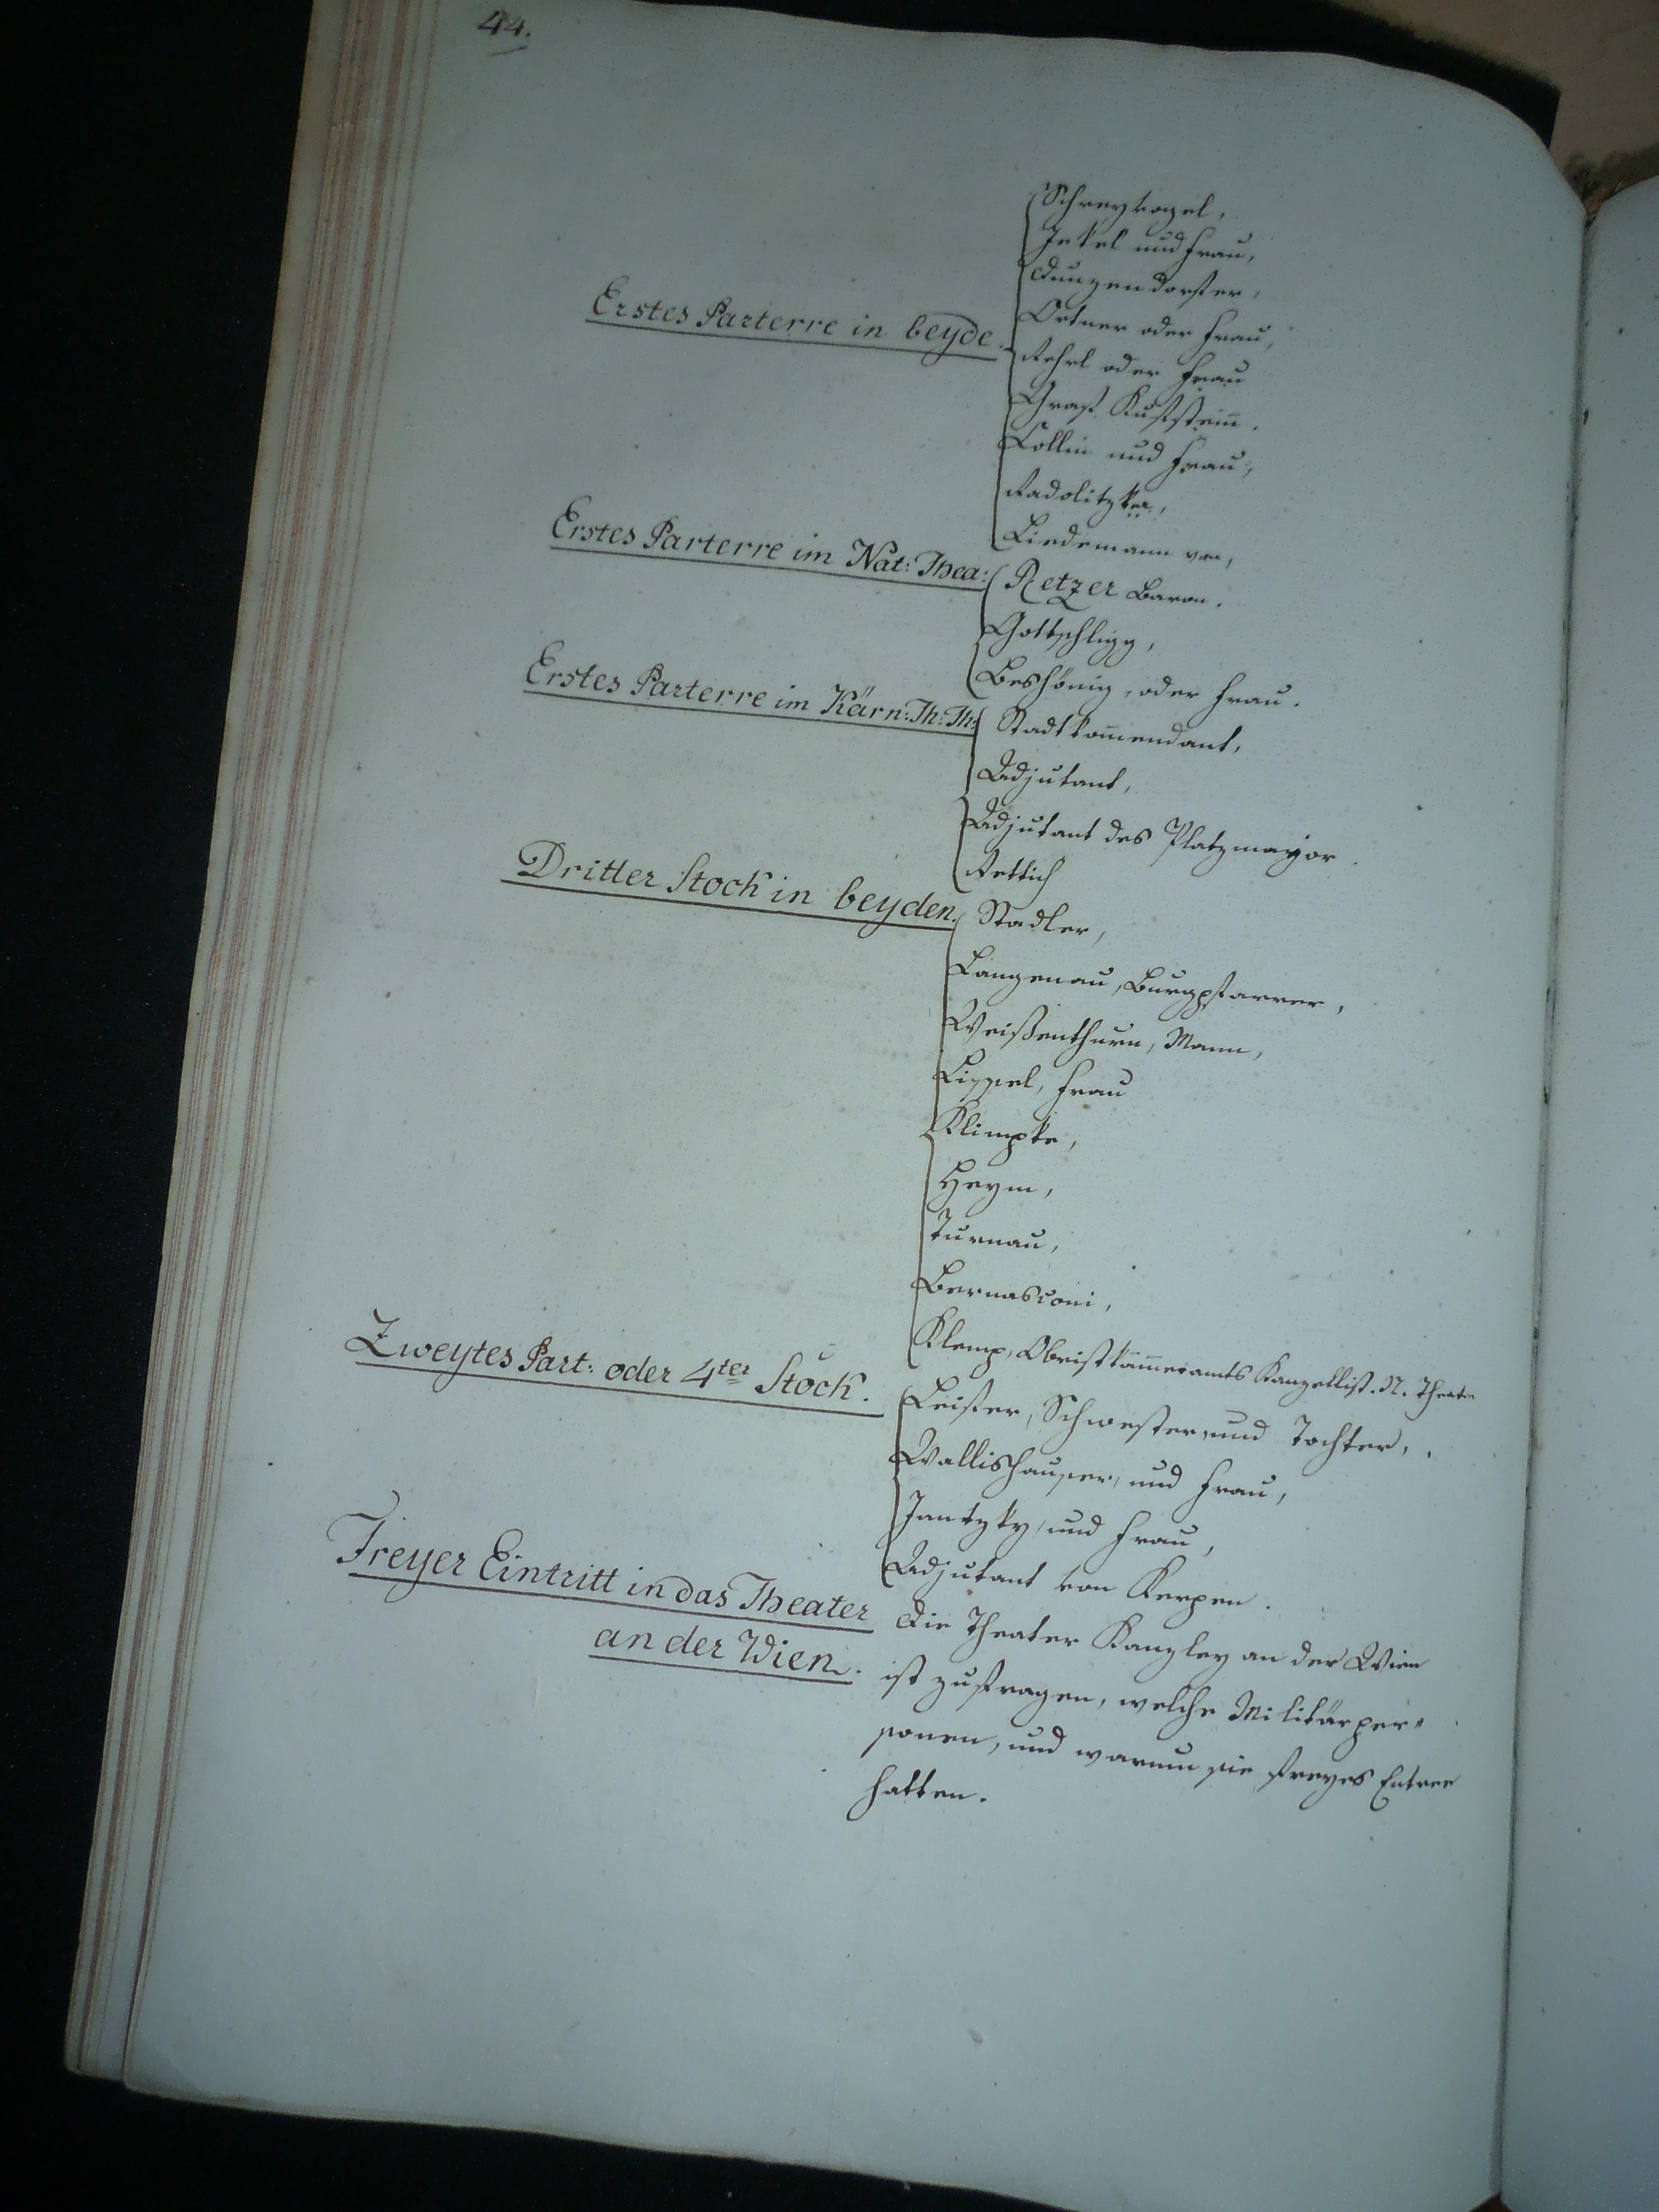44.
Erstes Parterre in beyde.
Schreyvogel,
Jekel und Frau,
Dunzendorfer,
Ortner oder Frau,
Rehrl oder Frau
Graf Kufstein̅.
Collin und Frau,
Radolitzka,
Lindemann von,
Erstes Parterre im Nat: Thea:
Retzer Baron.
Gottschligg,
Bessönig, oder Frau.
Erstes Parterre im Kärn:Th:Th:
Stadtkom̅endant,
Adjutant,
Adjutant des Platzmajor
Rettich
Dritter Stock in beyden.
Stadler,
Langenau, Burgpfarrer,
Weißenthurn, Mann,
Lippel, Frau,
Klimpke,
Heym,
Turnau,
Bernasioni,
Klemp, Obristkäm̅eramts Kanzellist. N. Theater
Zweytes Part: oder 4te͇r Stock.
Leifer, Schwester, und Tochter, .
Wallishauser, und Frau,
Jantzky, und Frau,
Adjutant von Kerpen.
Freyer Eintritt in das Theater
an der Wien.
Die Theater Kanzley an der Wien
ist zufragen, welche Militärper¬
sonen, und warum sie freyes Entree
hatten.